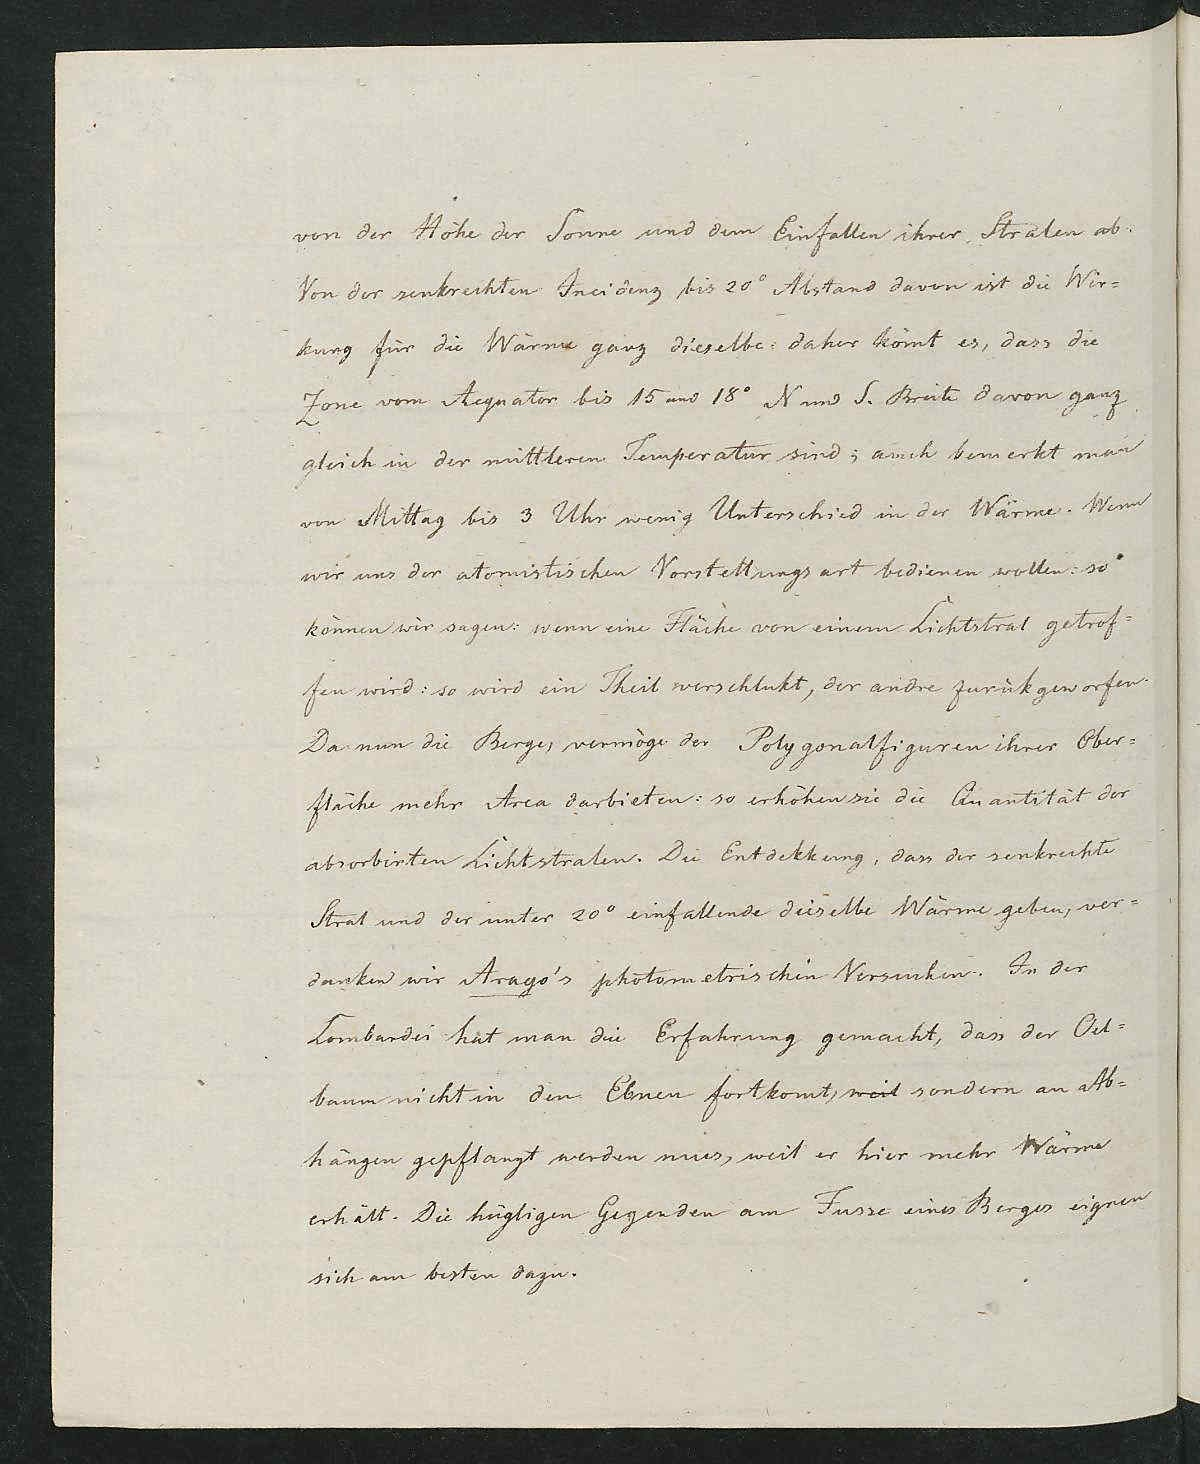von der Höhe der Sonne und dem Einfallen ihrer Stralen ab.
Von der senkrechten Incidenz bis 20° Abstand davon ist die Wir-
kung für die Wärme ganz dieselbe: daher kömt es, dass die
Zone vom Aequator bis 15 und 18° NN.- und S. S.-Breite davon ganz
gleich in der mittleren Temperatur sind; auch bemerkt man
von Mittag bis 3 Uhr wenig Unterschied in der Wärme. Wenn
wir uns der atomistischen Vorstellungsart bedienen wollen: so
können wir sagen: wenn eine Fläche von einem Lichtstral getrof-
fen wird: so wird ein Theil verschlukt, der andre zurükgeworfen.
Da nun die Berge, vermöge der Polygonalfiguren ihrer Ober-
fläche mehr Area darbieten: so erhöhen sie die Quantität der
absorbirten Lichtstrahlen. Die Entdekkung, dass der senkrechte
Stral und der unter 20° einfallende dieselbe Wärme geben, ver-
danken wir Arago's photometrischen Versuchen. In der
Lombardei hat man die Erfahrung gemacht, dass der Oel-
baum nicht in den Ebnen fortkomt, weilsondern an Ab-
hängen gepflanzt werden mus, weil er hier mehr Wärme
erhält. Die hügligen Gegenden am Fusse eines Berges eignen
sich am besten dazu.